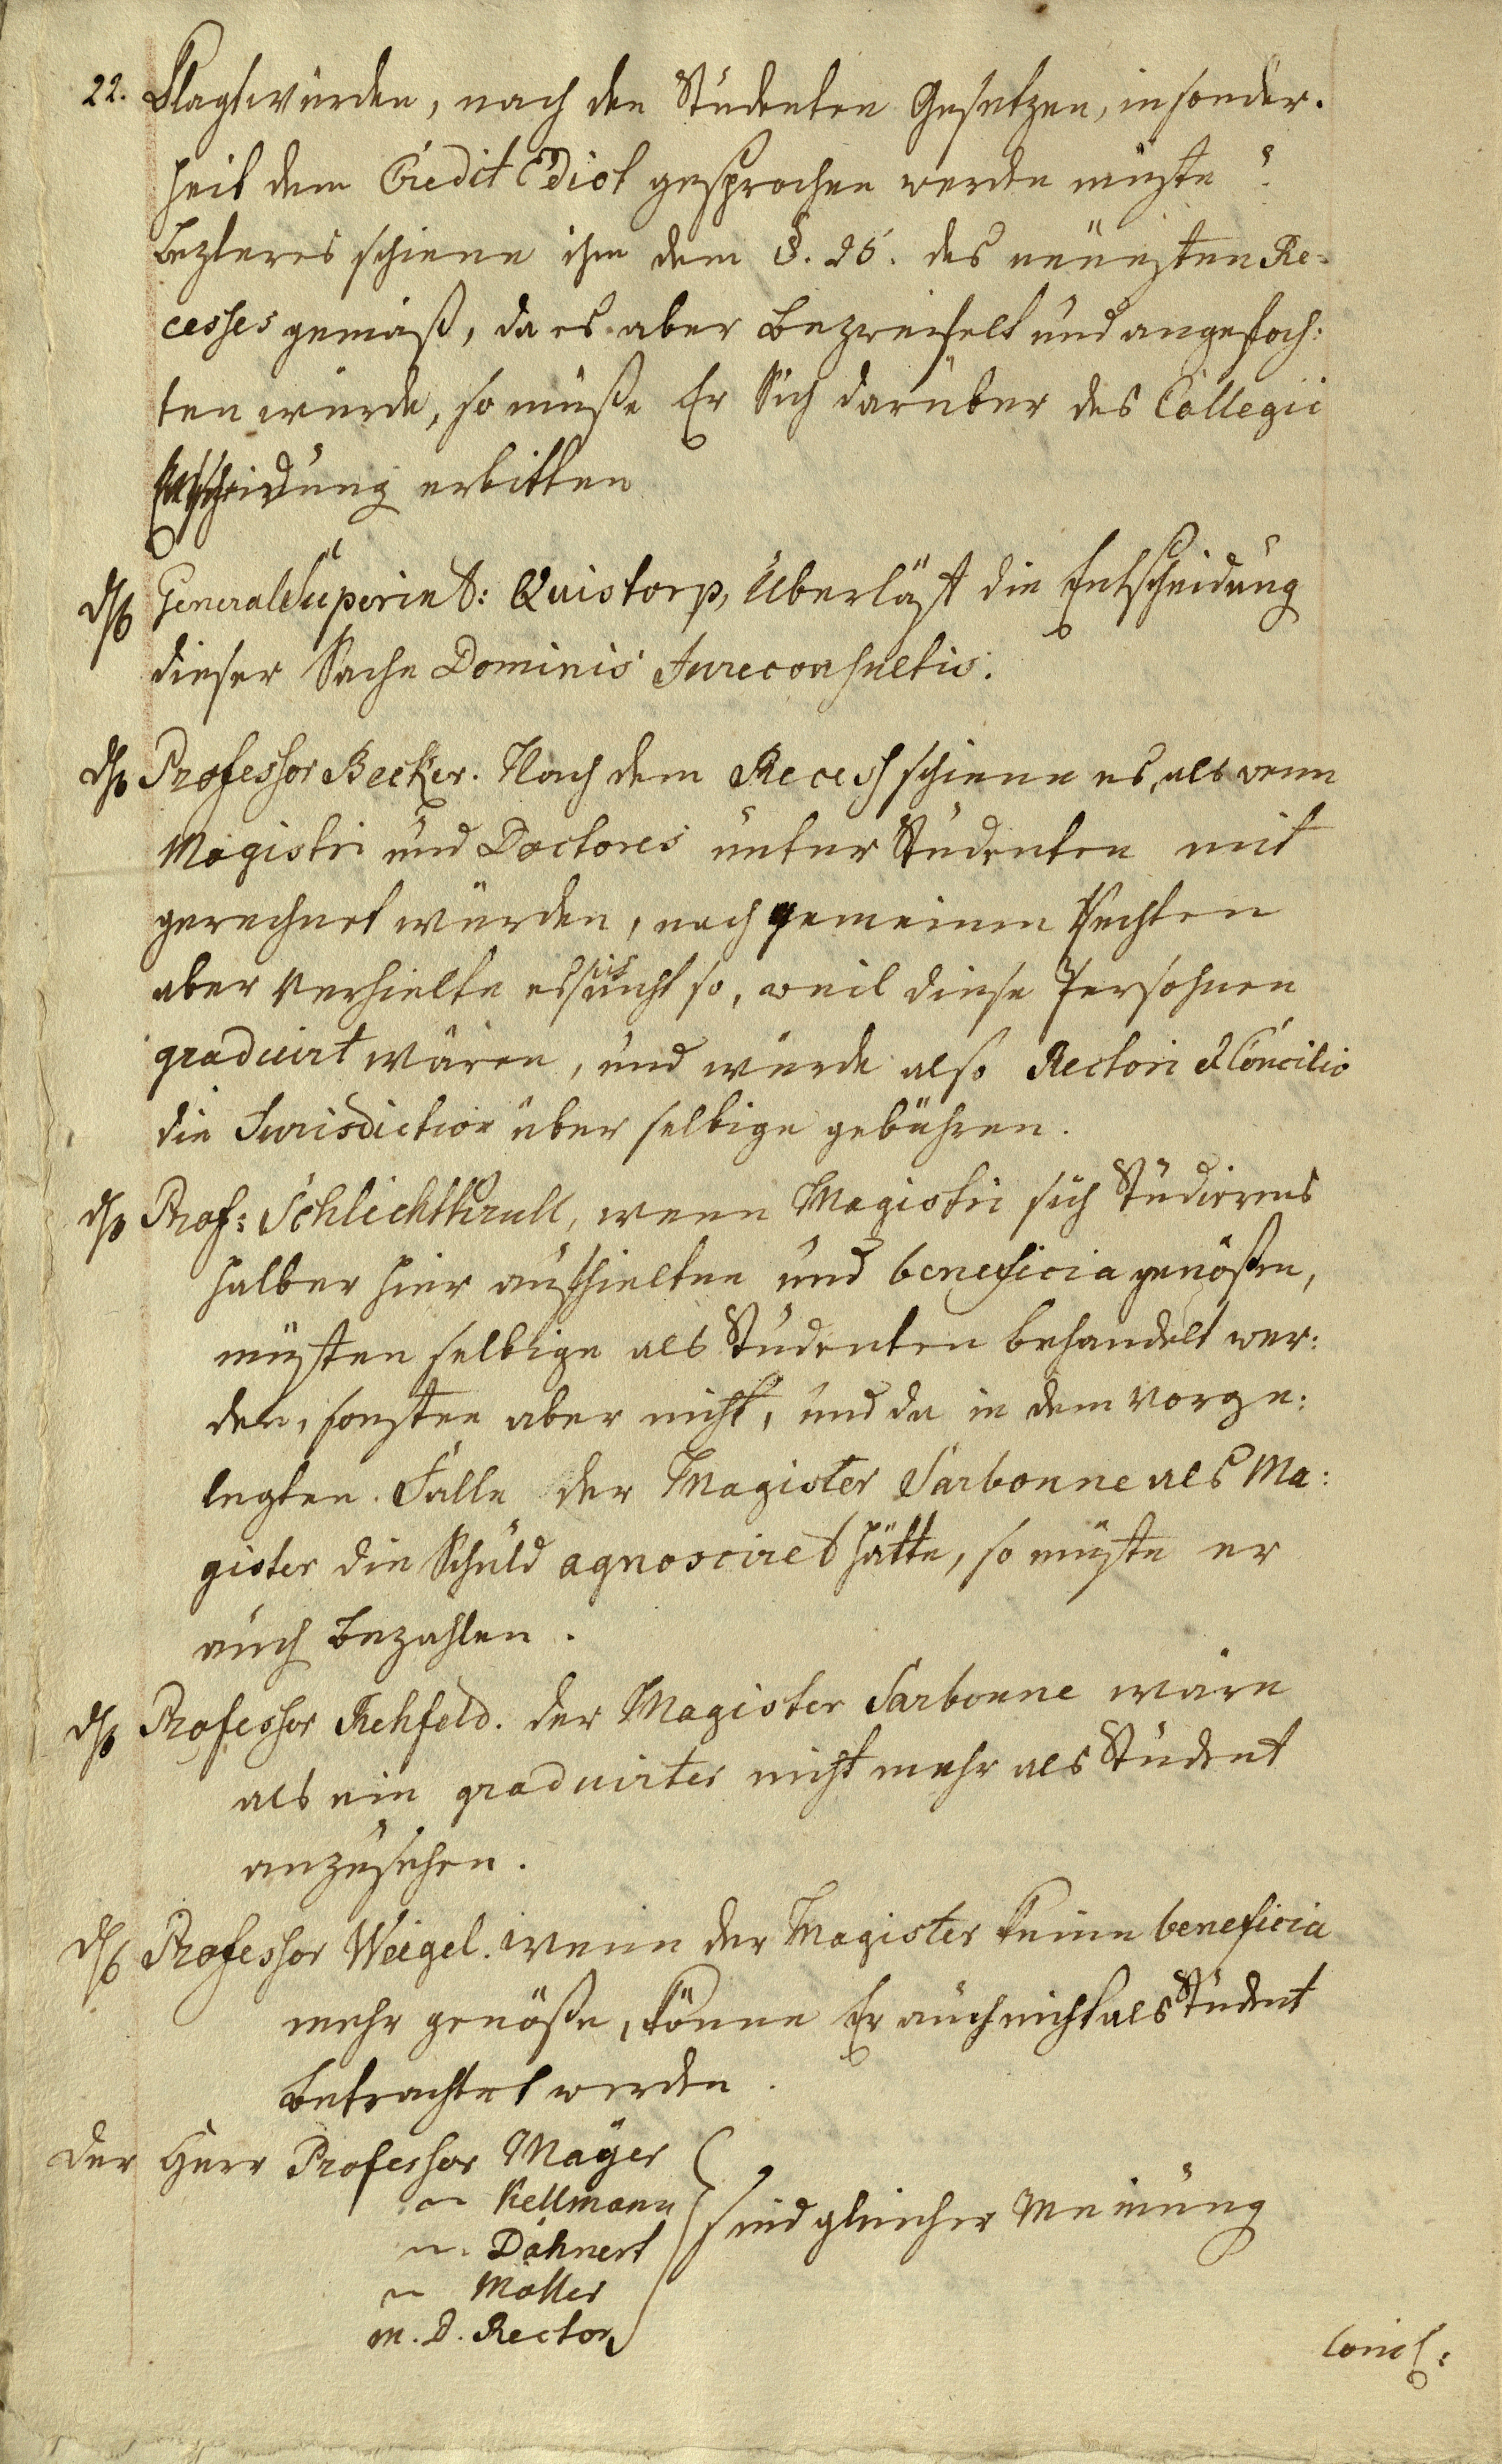klagt würden, nach den Studenten Gesetzen, insonder¬
heit dem CreditEdict gesprochen werden müßte!
Lezteres schiene ihm dem §. 25. des neuesten Re¬
cesses gemäß, da es aber bezweifelt und angefoch¬
ten würde, so müße Er Sich darüber des Collegii
Entscheidung erbitten.
dh GeneralSuperint: Quistorp, überläßt die Entscheidung
dieser Sache Dominis Jureconsultis.
dh Professor Becker. Nach dem Recess schiene es, als wenn
Magistri und Doctores unter Studenten mit
gerechnet würden, nach gemeinen Rechten
aber verhielt es sich nicht so, weil diese Persohnen
graduirt wären, und würde also Rectori et Concilio
die Jurisdiction über selbige gebühren.
dh Prof: Schlichtkrull, wenn Magistri sich Studierens
halber hier aufhielten, und beneficia genößen,
müßten selbige als Studenten behandelt wer¬
den, sonsten aber nicht, und da in dem vorge¬
legten Falle der Magister Sarbonne als Ma¬
gister die Schuld agnosciret hätte, so müßte er
auch bezahlen.
dh Professor Rehfeld. der Magister Sarbonne wäre
als ein graduirter nicht mehr als Student
anzusehen.
dh Professor Weigel. wenn der Magister keine beneficia
mehr genöße, könne Er auch nicht als Student
betrachtet werden.
der Herr Professor Maÿer
Kellmann
Dähnert
Möller
M. D. Rector
sind gleicher Meinung